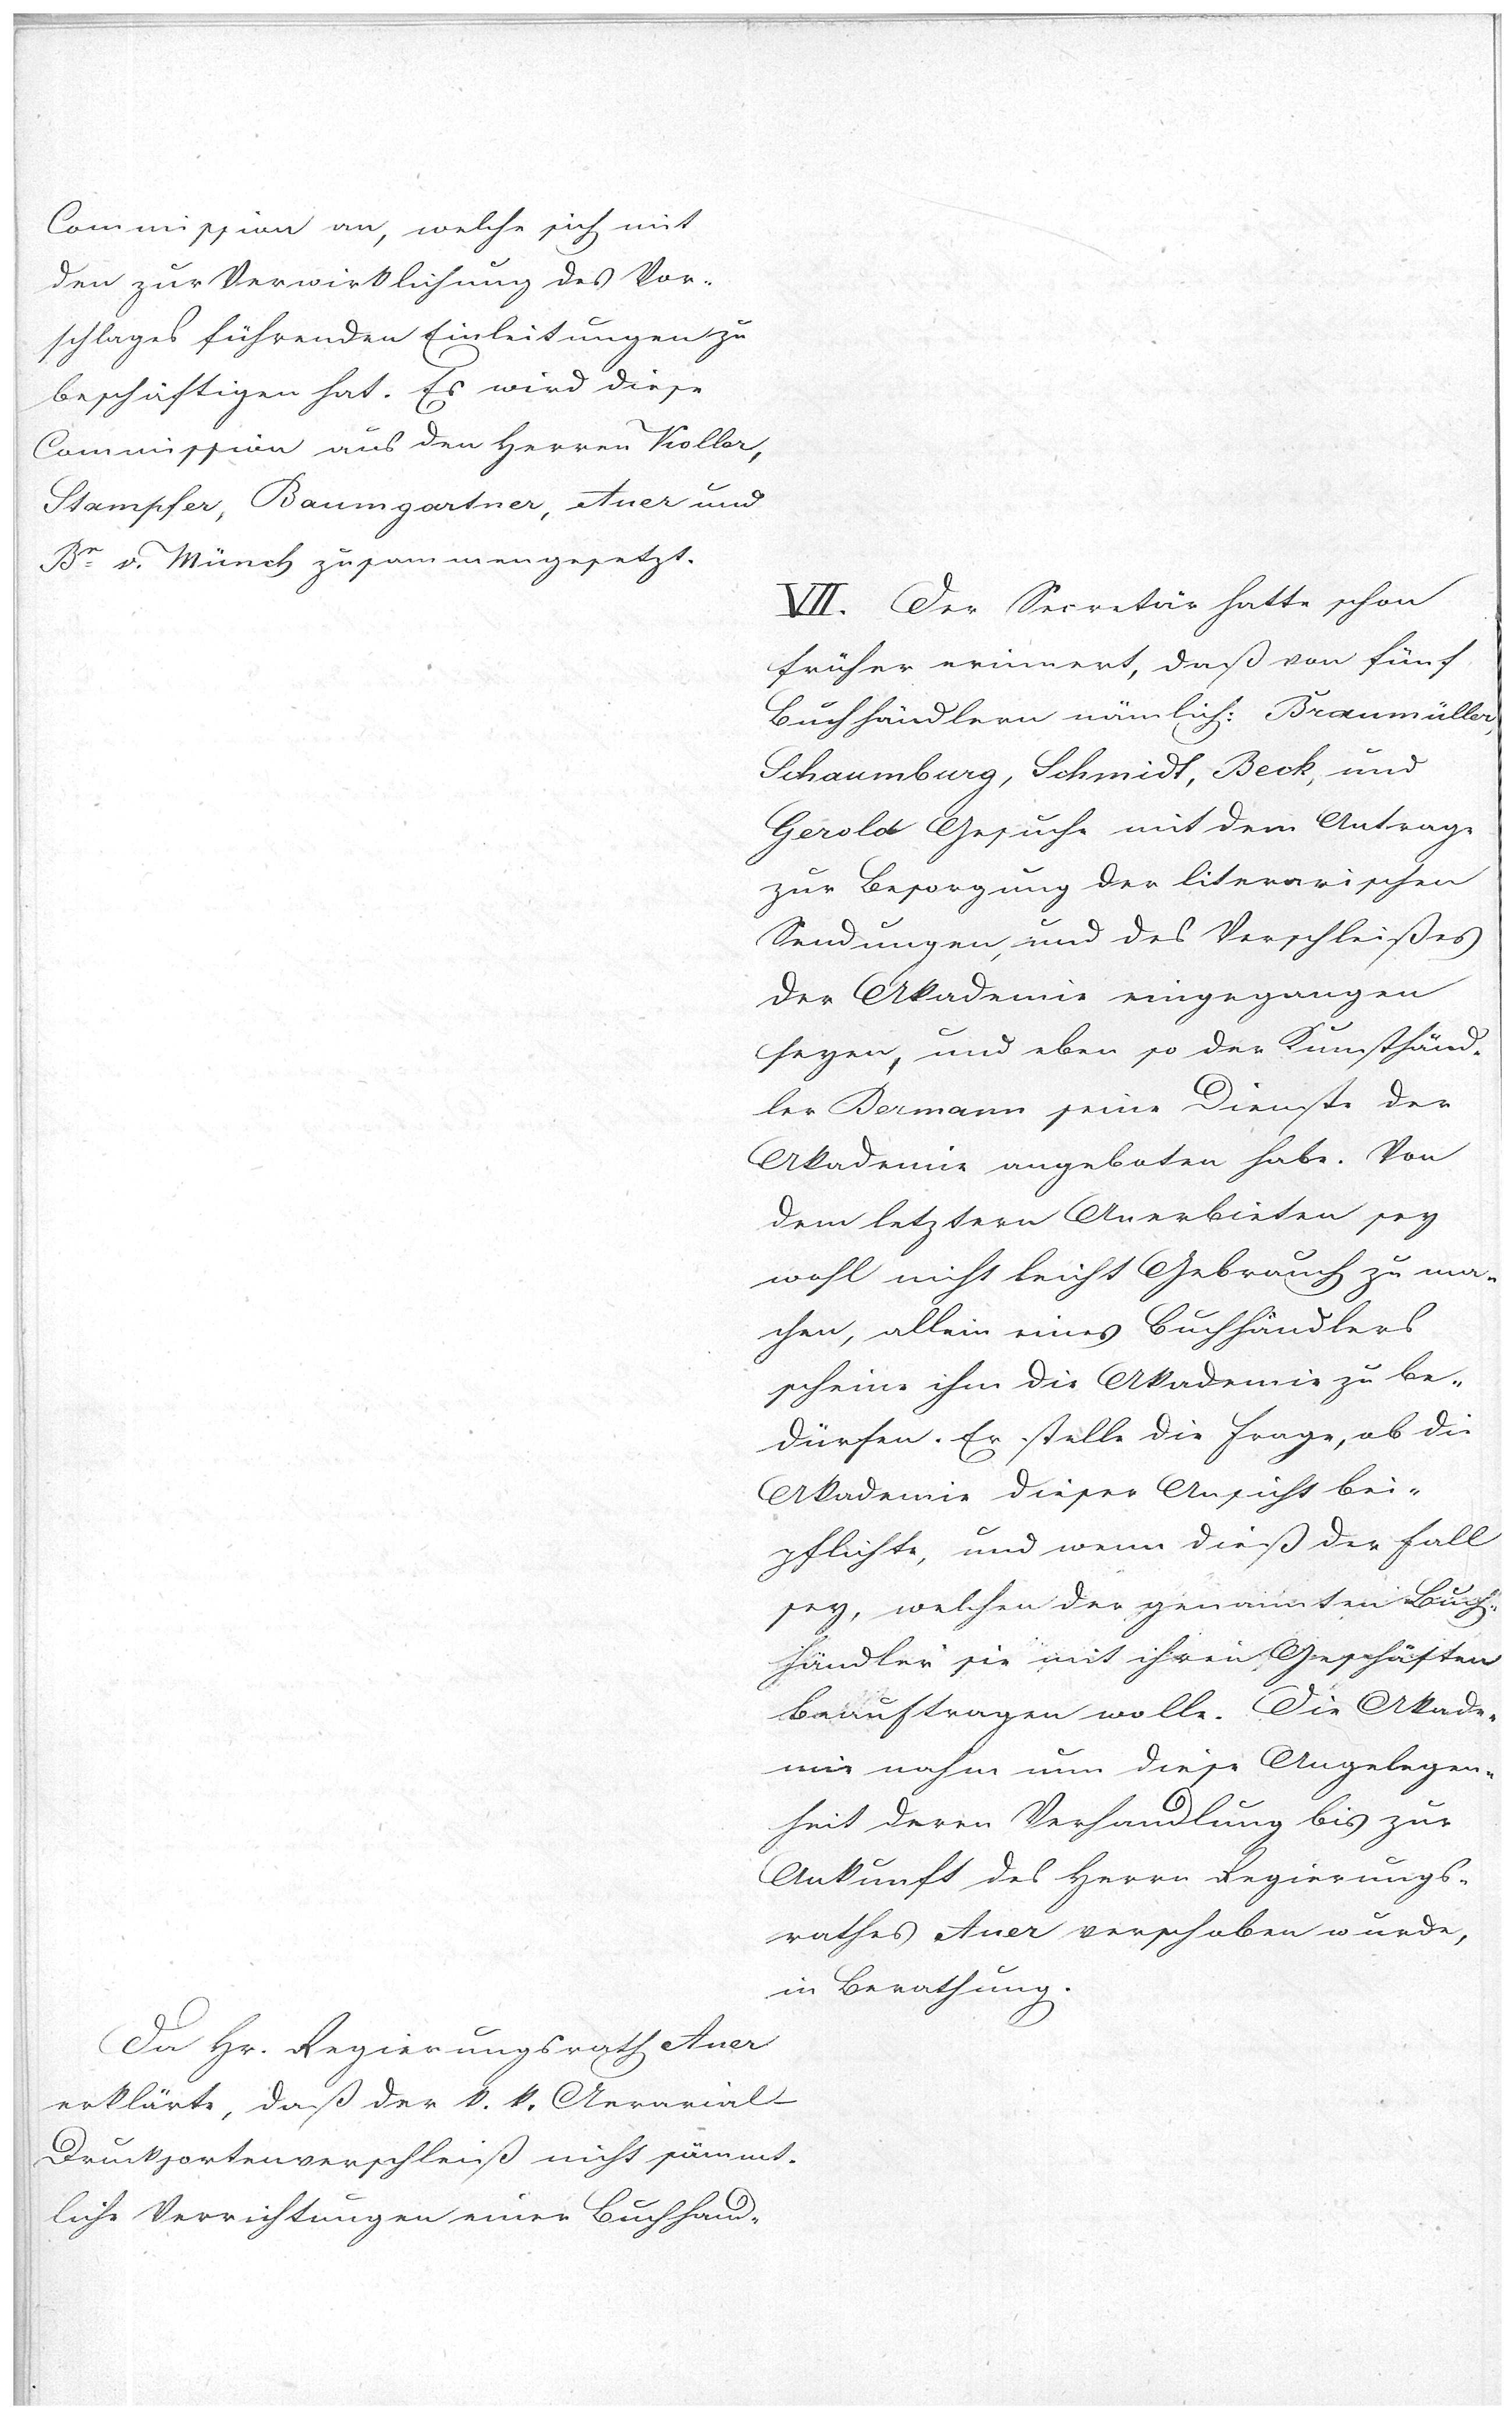Commission an, welche sich mit
den zur Verwirklichung des Vor-
schlages führenden Einleitungen zu
beschäftigen hat. Es wird diese
Commission aus den Herren Koller,
Stampfer, Baumgartner, Auer und
Br. v. Münch zummengesetzt.
VII. Der Secretär hatte schon
früher erinnert, daß von fünf
Buchhändlern nämlich: Braumüller,
Schaumburg, Schmidt, Beck, und
Gerold Gesuche mit der Antrage
zur Besorgung der literarischen
Sendungen und des Verschleißes
der Akademie eingegangen
seyen, und eben so der Kunsthänd-
ler Bermann seine Dienste der
Akademie angeboten habe. Von
dem letzteren Anerbieten sey
wohl nicht leicht Gebrauch zu ma-
chen, allein eines Buchhändlers
scheine ihm die Akademie zu be-
dürfen. Er stelle die Frage, ob die
Akademie dieser Ansicht bei-
pflichte, und wenn dieß die Fall
sey, welchen der genannten Buch-
händler sie mit ihren Geschäften
beauftragen wolle. Die Akade-
mie nahm nun die Angelegen-
heit deren Verhandlung bis zur
Ankunft des Herrn Regierungs-
rathes Auer verschieben wurde,
in Berathung.
Der Hr. Regierungsrath Auer
erklärte, daß der k. k. Aerarial-
Drucksortenverschleiß nicht sämmt-
liche Verrichtungen einer Buchhand-